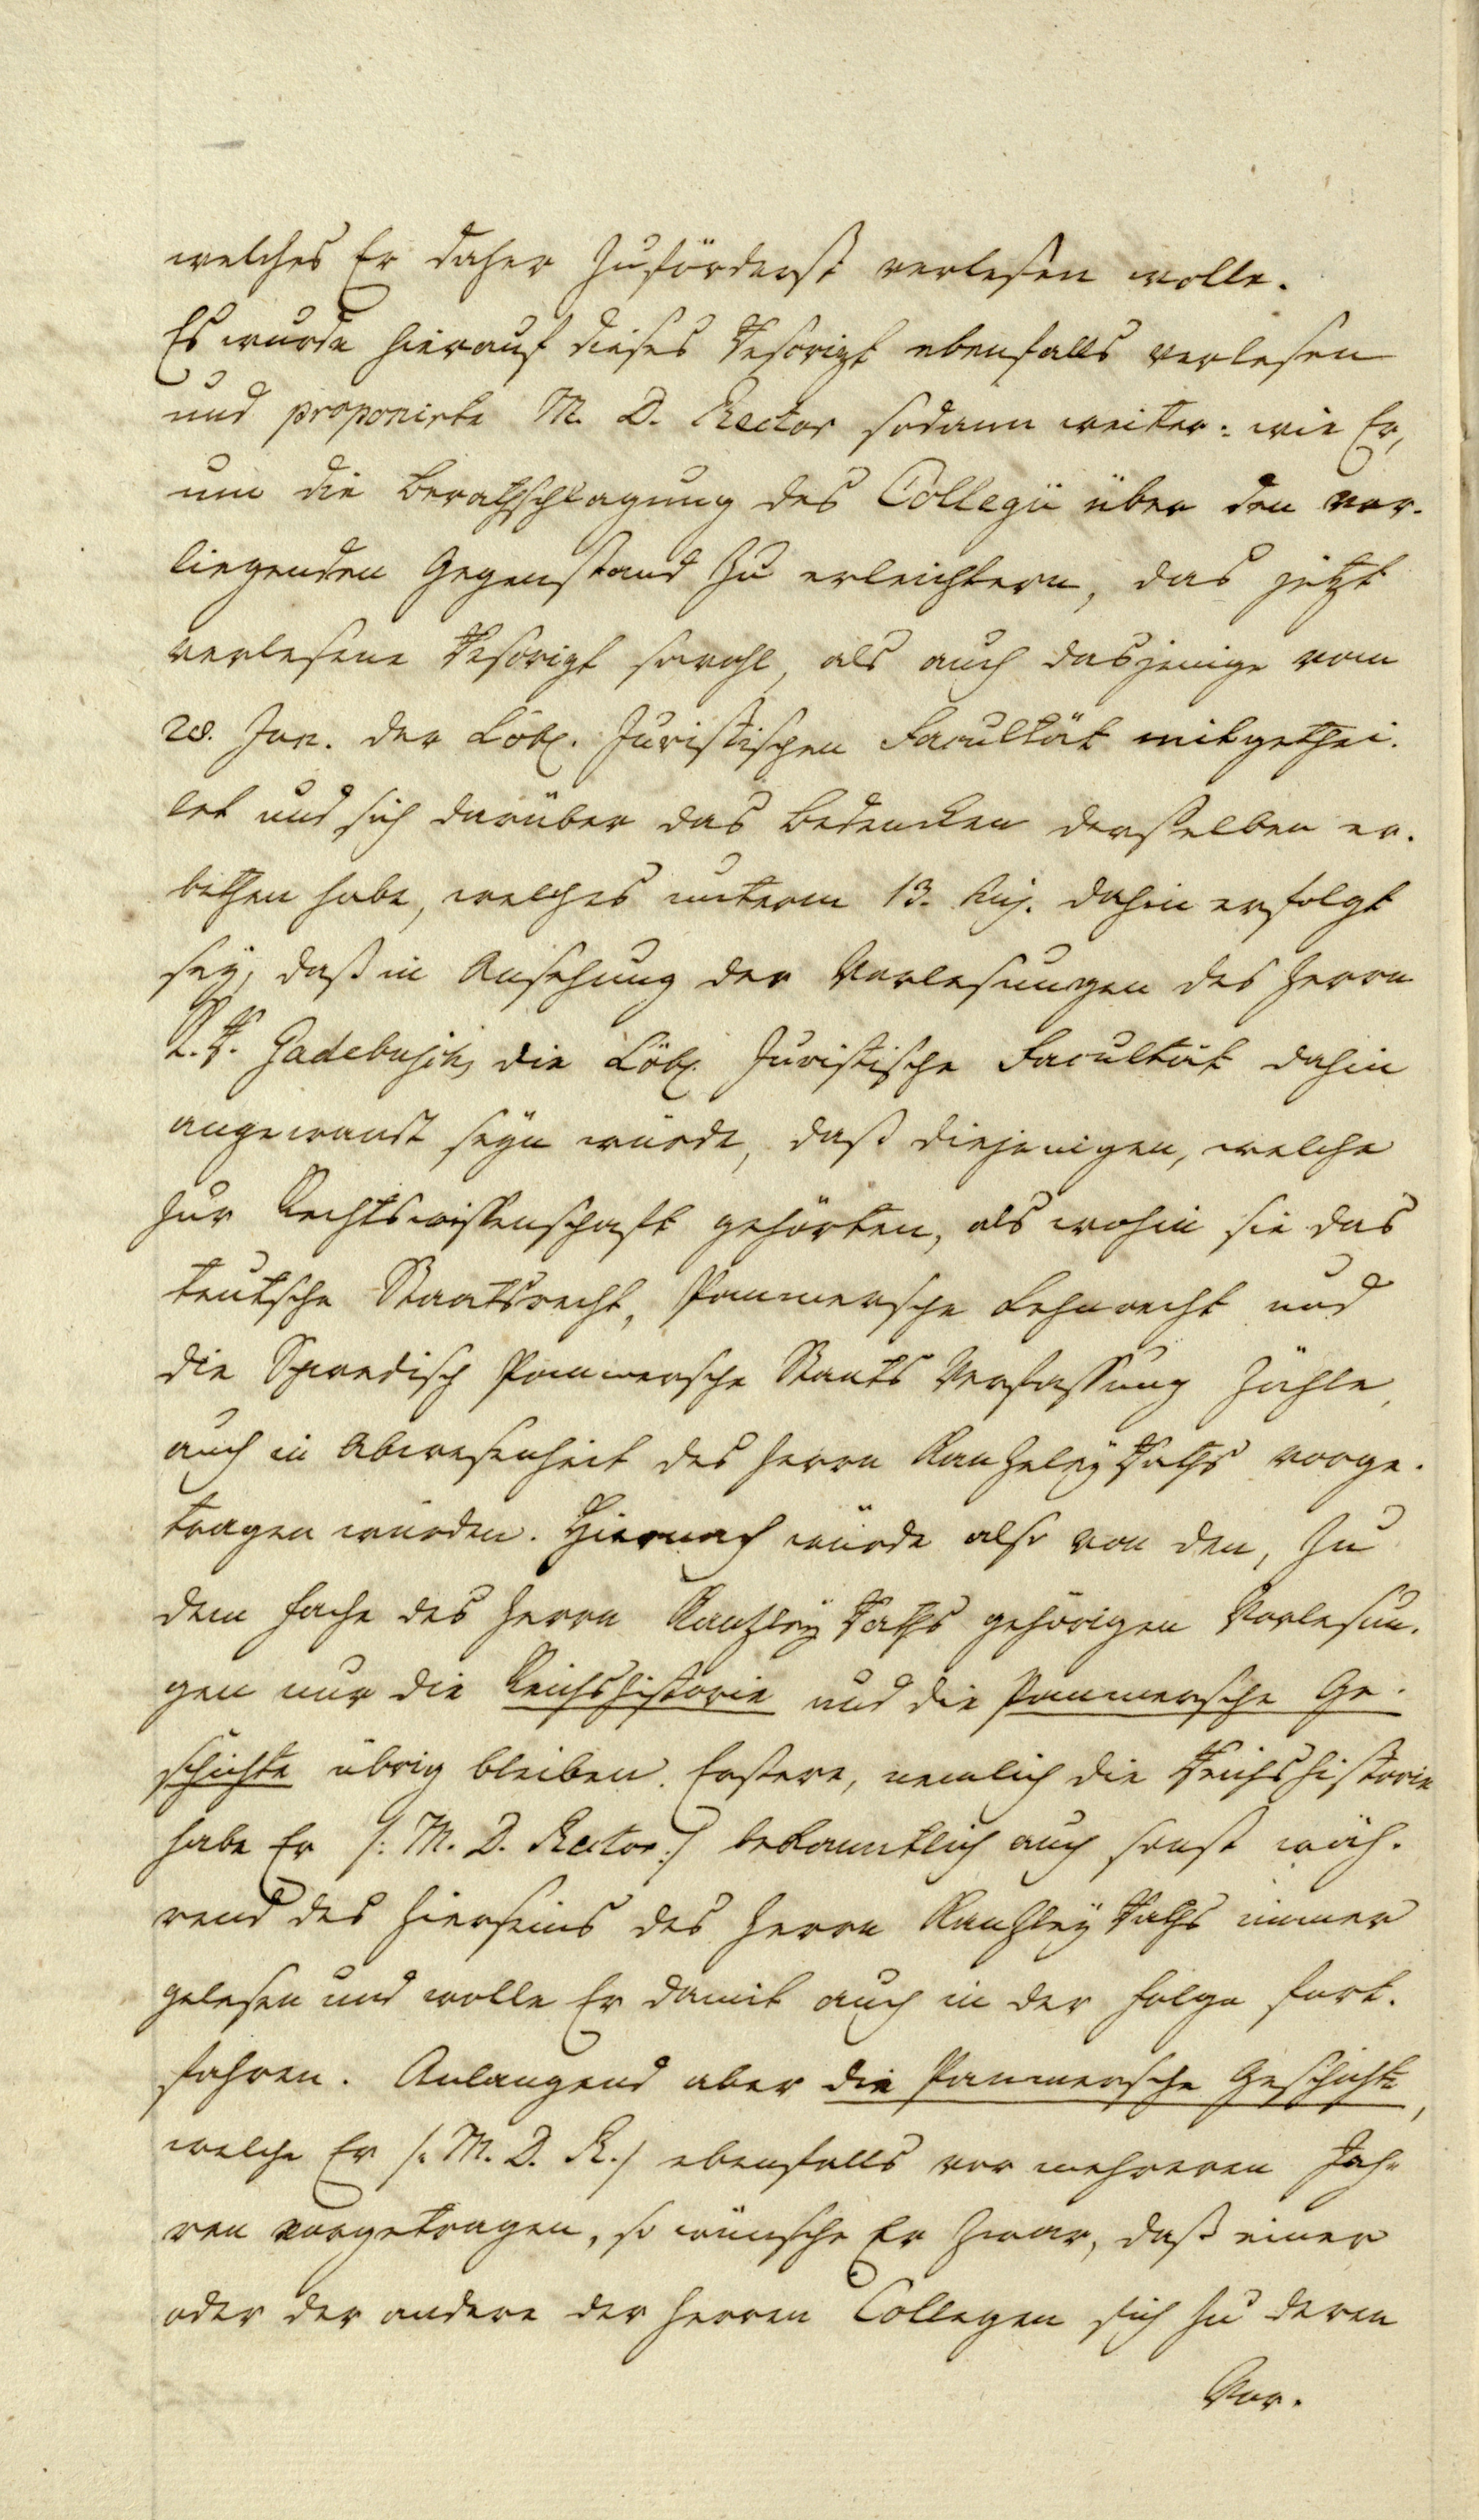welches Er daher zuförderst verlesen wolle.
Es wurde hierauf dieses Rescript ebenfalls verlesen
und proponirte M. D. Rector sodann weiter: wie Er,
um die Berathschlagung des Collegii über den vor¬
liegenden Gegenstand zu erleichtern, das jetzt
verlesene Rescript sowohl, als auch dasjenige vom
28. Jun. der Löbl. Juristischen Facultät mitgethei¬
let und sich darüber das Bedencken derselben er¬
bethen habe, welches unterm 13. huj. dahin erfolgt
seÿ, daß in Ansehung der Vorlesungen des Herrn
K. R. Gadebusch, die Löbl. Juristische Facultät dahin
angewandt seÿn würde, daß diejenigen, welche
zur Rechtswissenschaft gehörten, als wohin sie das
teutsche Staatsrecht, Pommersche Lehnrecht und
die Schwedisch Pommersche Staatsverfassung zähle,
auch in Abwesenheit des herrn Kanzleÿ Raths vorge¬
tragen würden. Hiernach würde also von den, zu
dem Fache des herrn Kanzleÿ Raths gehörigen Vorlesun¬
gen nur die Reichshistorie und die Pommersche Ge¬
schichte übrig bleiben. Erstere, nemlich die Reichshistorie
habe Er / M. D. Rector / bekanntlich auch sonst wäh¬
rend des hierseins des herrn Kanzleÿ Raths immer
gelesen und wolle Er damit auch in der Folge fort¬
fahren. Anlangend aber die Pommersche Geschichte,
welche Er / M. D. R. / ebenfalls vor mehreren Jah¬
ren vorgetragen, so wünsche Er zwar, daß einer
oder der andere der herren Collegen sich deren
Vor.